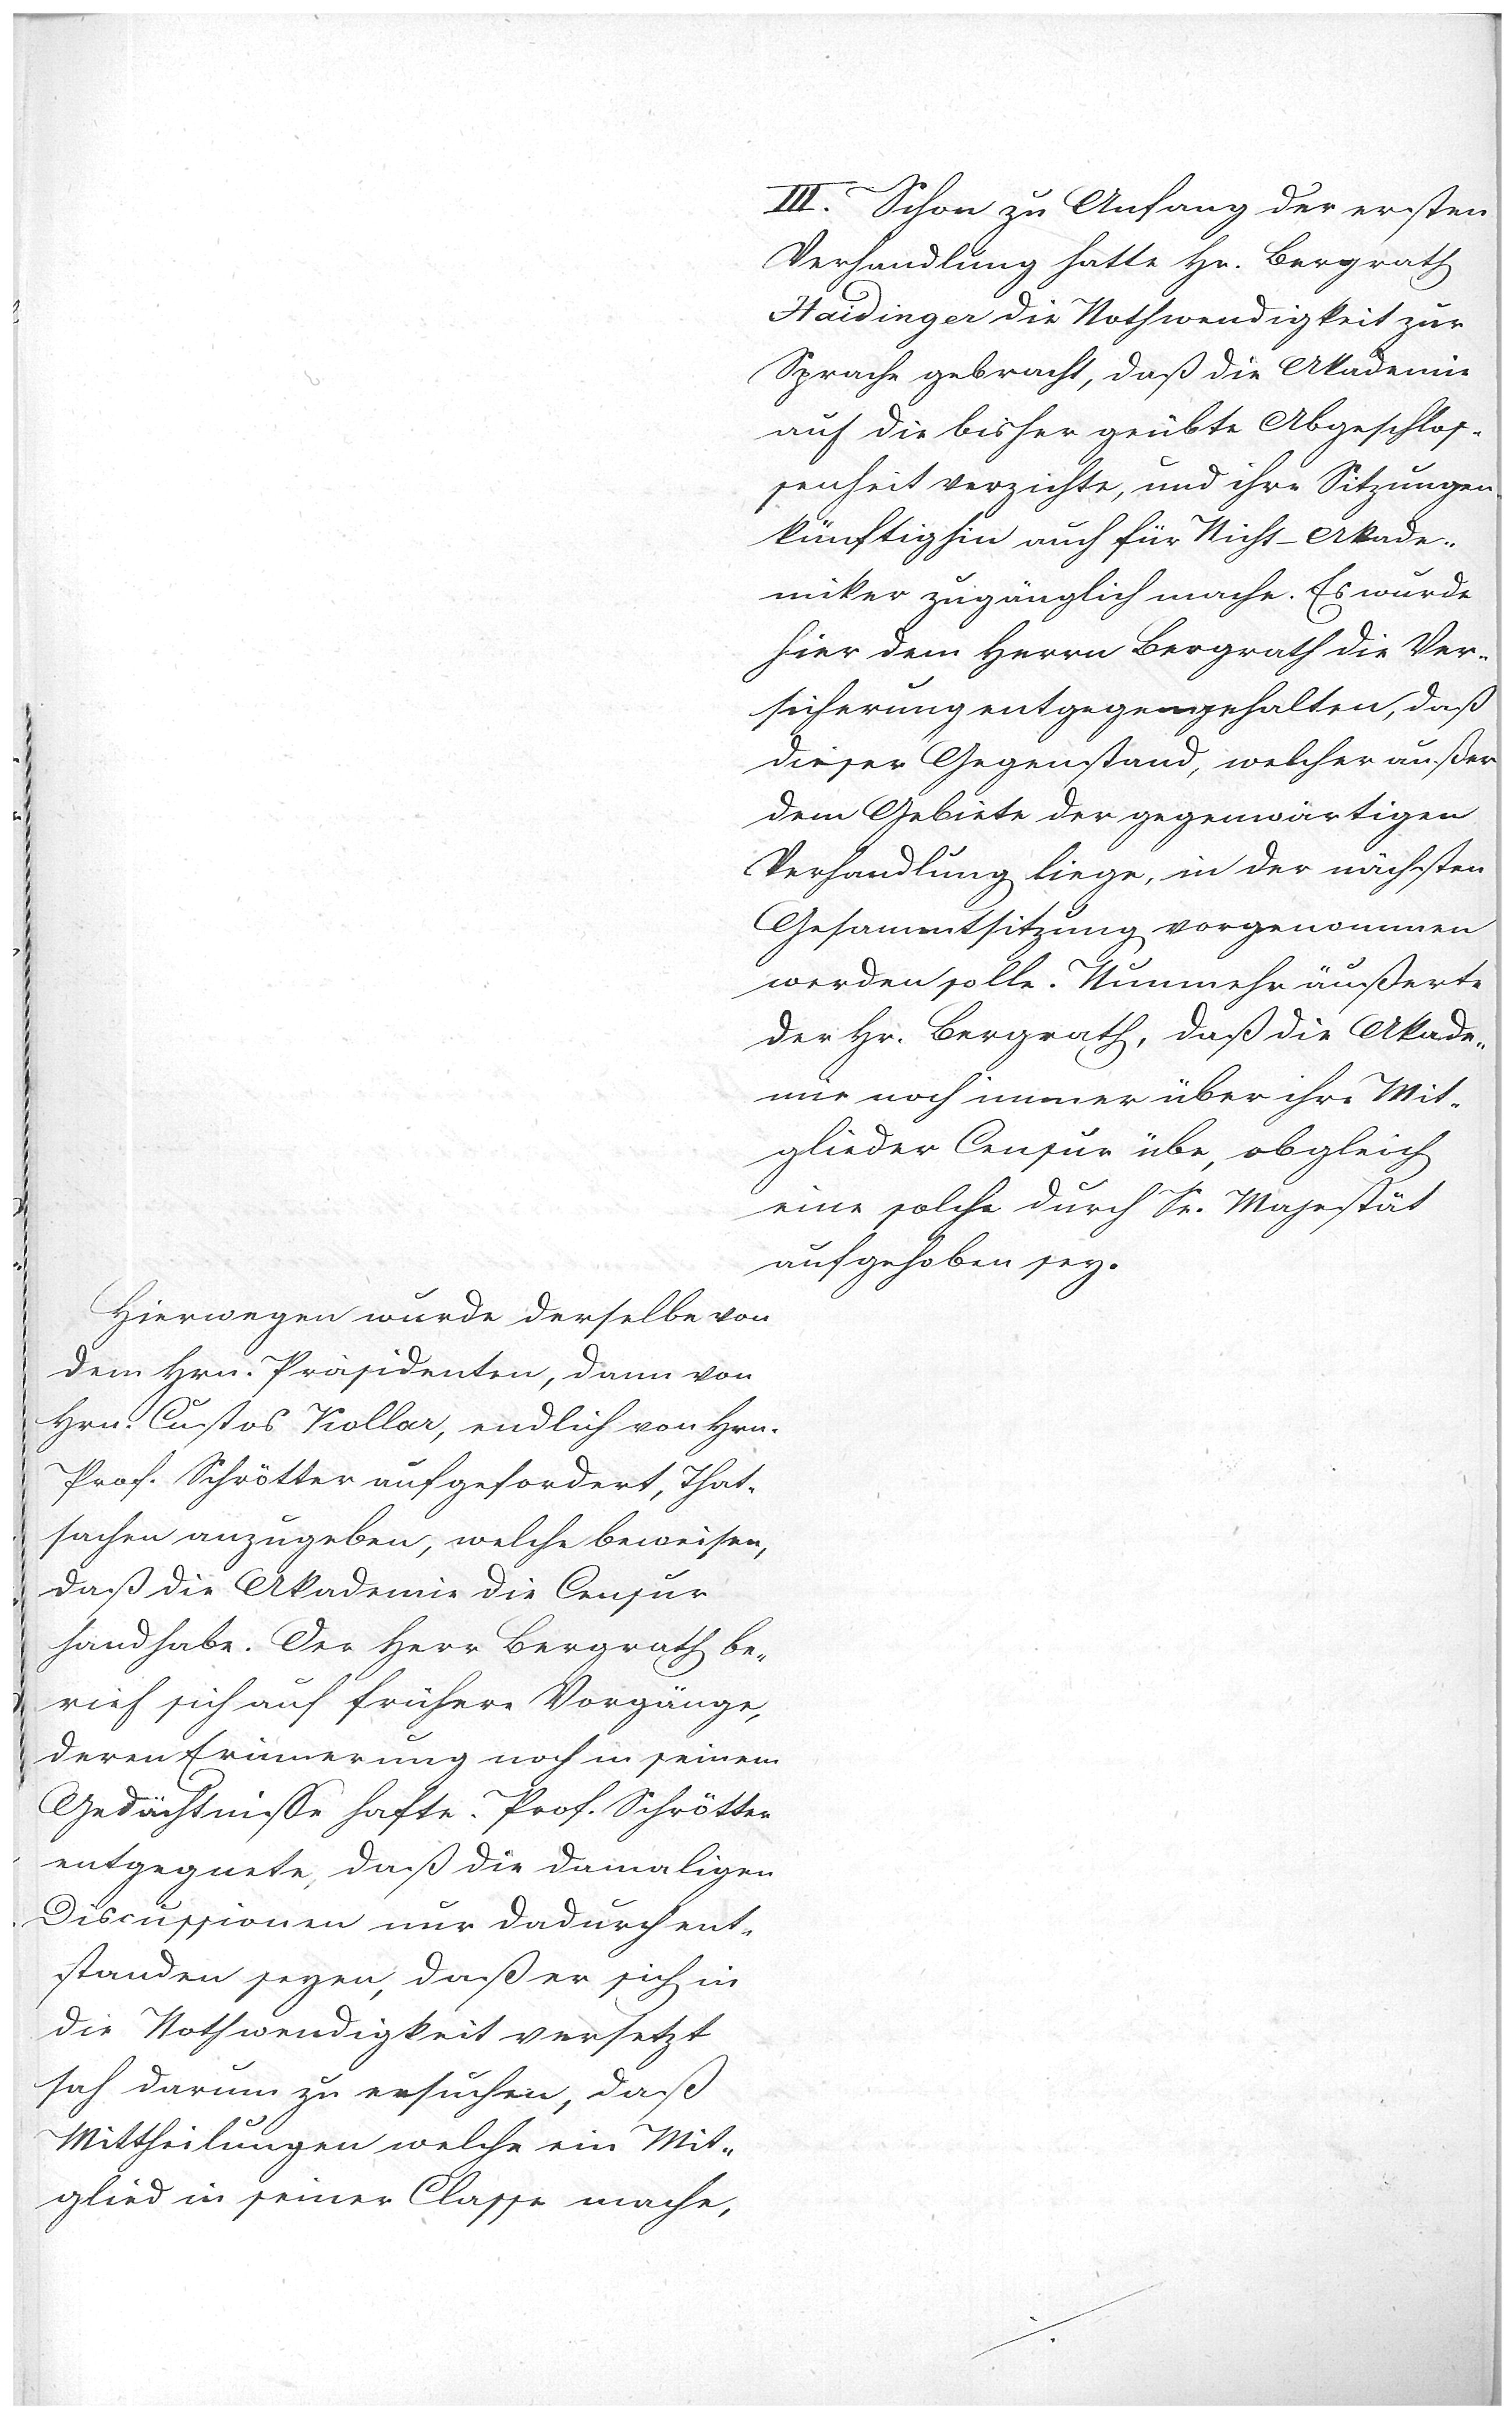III. Schon zu Anfang der ersten
Verhandlung hatte Hr. Bergrath
Haidinger die Nothwendigkeit zur
Sprache gebracht, daß die Akademie
auf die bisher geübte Abgeschlos-
senheit verzichte, und ihre Sitzungen
künftighin auch für Nicht Akade-
miker zugänglich mache. Es wurde
hier dem Herrn Bergrath die Ver-
sicherung entgegen gehalten, daß
dieser Gegenstand, welcher außer
dem Gebiete der gegenwärtigen
Verhandlung liege, in der nächsten
Gesammtsitzung vorgenommen
werden solle. Nunmehr äußerte
der Hr. Bergrath, daß die Akade-
mie noch immer über ihre Mit-
glieder Censur übe, obgleich
eine solche durch Sr. Majestät
aufgehoben sey.
Hierwegen wurde derselbe von
den Hrn. Präsidenten, dann von
Hre. Custos Kollar, endlich von Hrn.
Prof. Schrötter aufgefordert, That-
sachen anzugeben, welche beweisen,
daß die Akademie die Censur
handhabe. Der Herr Bergrath be-
rief sich auf frühere Vorgänge
deren Erinnerung noch in seinem
Gedächtnisse hafte Prof. Schrötter
entgegnete, daß die damaligen
Discussionen nur dadurch ent.
standen seyen, daß er sich in
die Nothwendigkeit versetzt
sich darum zu ersuchen daß
Mittheilungen, welche ein Mit-
glied in seiner Classe mache,